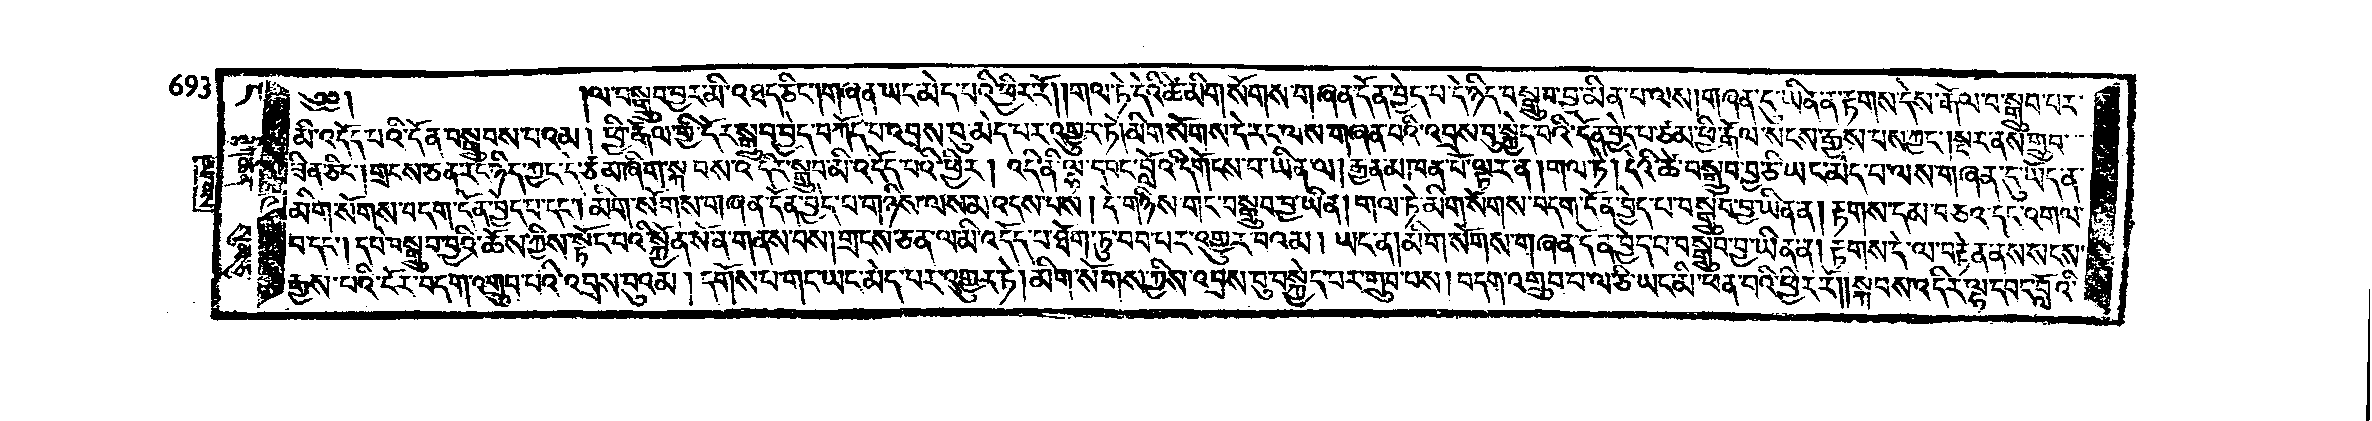༄༅། །ལ་བསྒྲུབ་བྱར་མི་འཐད་ཅིང་། གཞན་ཡང་མེད་པའི་ཕྱིར་རོ། །གལ་ཏེ་དེའི་ཚེ་མིག་སོགས་གཞན་དོན་བྱེད་པ་དེ་ཉིད་བསྒྲུབ་བྱ་མིན་པ་ལས། གཞན་དུ་ཡིན་ན་རྟགས་དེས་རྒོལ་བ་སྒྲུབ་པར་
མི་འདོད་པའི་དོན་བསྒྲུབས་པའམ། ཕྱི་རྒོལ་གྱི་དོར་སྒྲུབ་བྱེད་བཀོད་པ་འབྲས་བུ་མེད་པར་འགྱུར་ཏེ། མིག་སོགས་དེ་རང་ལས་གཞན་པའི་འབྲས་བུ་སྐྱེད་པའི་དོན་བྱེད་པ་ཙམ་ཕྱི་རྒོལ་སངས་རྒྱས་པས་ཀྱང་། སྔར་ནས་གྲུབ་
ཟིན་ཅིང་། གྲངས་ཅན་རང་ཉིད་ཀྱང་དེ་ཙམ་ཞིག་སྐབས་འདིར་སྒྲུབ་མི་འདོད་པའི་ཕྱིར། འདི་ནི་ལྷ་དབང་བློའི་དགོངས་པ་ཡིན་ལ། རྒྱན་མཁན་པོ་ལྟར་ན། གལ་ཏེ། དེའི་ཚེ་བསྒྲུབ་བྱ་ཅི་ཡང་མེད་པ་ལས་གཞན་དུ་ཡོད་ན་
མིག་སོགས་བདག་དོན་བྱེད་པ་དང་། མིག་སོགས་གཞན་དོན་བྱེད་པ་གཉིས་ལས་མ་འདས་པས། དེ་གཉིས་གང་བསྒྲུབ་བྱ་ཡིན། གལ་ཏེ་མིག་སོགས་བདག་དོན་བྱེད་པ་བསྒྲུབ་བྱ་ཡིན་ན། རྟགས་དམ་བཅའ་དང་འགལ་
བ་དང་། དཔེ་བསྒྲུབ་བྱའི་ཆོས་ཀྱིས་སྟོང་བའི་སྐྱོན་སོ་ན་གནས་པས། གྲངས་ཅན་ལ་མི་འདོད་པ་ཐོག་ཏུ་བབ་པར་འགྱུར་བའམ། ཡང་ན། མིག་སོགས་གཞན་དོན་བྱེད་པ་བསྒྲུབ་བྱ་ཡིན་ན། རྟགས་དེ་ལ་བརྟེན་ནས་སངས་
རྒྱས་པའི་ངོར་བདག་འགྲུབ་པའི་འབྲས་བུའམ། དགོས་པ་གང་ཡང་མེད་པར་འགྱུར་ཏེ། མིག་སོགས་ཀྱིས་འབྲས་བུ་བསྐྱེད་པར་གྲུབ་པས། བདག་འགྲུབ་པ་ལ་ཅི་ཡང་མི་ཕན་པའི་ཕྱིར་རོ། །སྐབས་འདིར་ལྷ་དབང་བློའི་